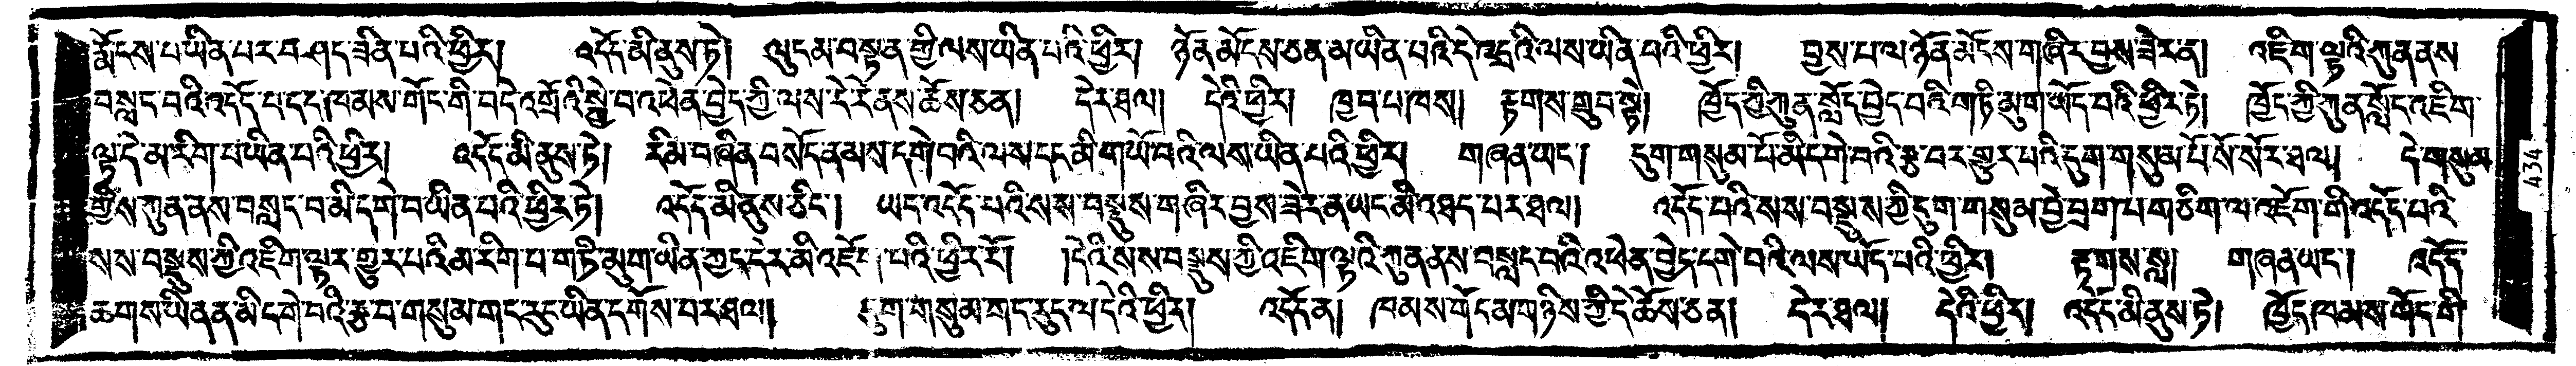རྨོངས་པ་ཡིན་པར་བཤད་ཟིན་པའི་ཕྱིར། འདོད་མི་ནུས་ཏེ། ལུང་མ་བསྟན་གྱི་ལས་ཡིན་པའི་ཕྱིར། ཉོན་མོངས་ཅན་མ་ཡིན་པའི་དེ་འདྲའི་ལས་ཡིན་པའི་ཕྱིར། བྱས་པ་ལ་ཉོན་མོངས་གཞིར་བྱས་ཟེར་ན། འཇིག་ལྟའི་ཀུན་ནས་
བསླང་བའི་འདོད་པ་དང་ཁམས་གོང་གི་བདེ་འགྲོའི་སྐྱེ་བ་འཕེན་བྱེད་ཀྱི་ལས་རེ་རེ་ནས་ཆོས་ཅན། དེར་ཐལ། དེའི་ཕྱིར། ཁྱབ་པ་ཁས། རྟགས་གྲུབ་སྟེ། ཁྱོད་ཀྱི་ཀུན་སློང་བྱེད་པའི་གཏི་མུག་ཡོད་པའི་ཕྱིར་ཏེ། ཁྱོད་ཀྱི་ཀུན་སློང་འཇིག་
ལྟ་དེ་མ་རིག་པ་ཡིན་པའི་ཕྱིར། འདོད་མི་ནུས་ཏེ། རིམ་བཞིན་བསོད་ནམས་དགེ་བའི་ལས་དང་མི་གཡོ་བའི་ལས་ཡིན་པའི་ཕྱིར། གཞན་ཡང་། དུག་གསུམ་པོ་མི་དགེ་བའི་རྩ་བར་གྱུར་བའི་དུག་གསུམ་པོ་སོ་སོར་ཐལ། དེ་གསུམ་
གྱིས་ཀུན་ནས་བསླང་བ་མི་དགེ་བ་ཡིན་པའི་ཕྱིར་ཏེ། འདོད་མི་ནུས་ཅིང་། ཡང་འདོད་པའི་སས་བསྡུས་གཞིར་བྱས་ཟེར་ན་ཡང་མི་འཐད་པར་ཐལ། འདོད་པའི་སས་བསྡུས་ཀྱི་དུག་གསུམ་བྱེ་བྲག་པ་གཅིག་ལ་འཇོག་གི་འདོད་པའི་
སས་བསྡུས་ཀྱི་འཇིག་ལྟར་གྱུར་པའི་མ་རིག་པ་གཏི་མུག་ཡིན་ཀྱང་དེར་མི་འཇོག་པའི་ཕྱིར་རོ། །དེའི་སས་བསྡུས་ཀྱི་འཇིག་ལྟའི་ཀུན་ནས་བསླང་བའི་འཕེན་བྱེད་དགེ་བའི་ལས་ཡོད་པའི་ཕྱིར། རྟགས་སླ། གཞན་ཡང་། འདོད་
ཆགས་ཡིན་ན་མི་དགེ་བའི་རྩ་བ་གསུམ་གང་རུང་ཡིན་དགོས་པར་ཐལ། ཐུག་གསུམ་གང་རུང་ལ་དེའི་ཕྱིར། འདོད་ན། ཁམས་གོང་མ་གཉིས་ཀྱི་དེ་ཆོས་ཅན། དེར་ཐལ། དེའི་ཕྱིར། འདོད་མི་ནུས་ཏེ། ཁྱོད་ཁམས་གོང་གི་